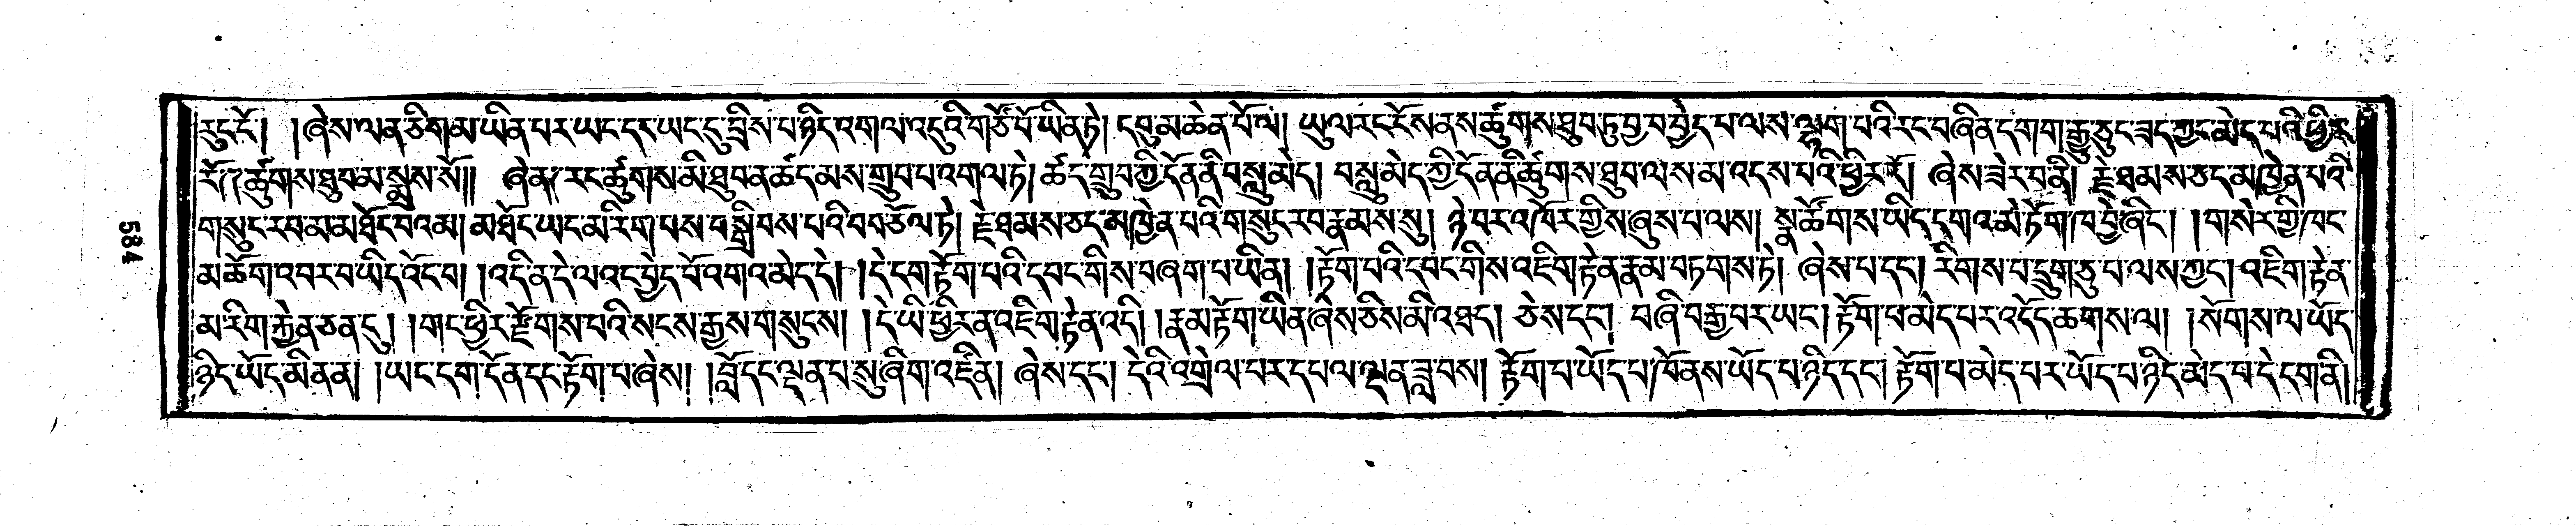རུང་ངོ། །ཞེས་ལན་ཅིག་མ་ཡིན་པར་ཡང་དང་ཡང་དུ་བྲིས་པ་ཉིད་འགལ་འདུའི་གཙོ་བོ་ཡིན་ཏེ། དབུ་མ་ཆེན་པོ་ལ། ཡུལ་རང་ངོས་ནས་ཚུགས་ཐུབ་ཏུ་བྱ་བ་བྱེད་པ་ལས་ལྷག་པའི་རང་བཞིན་དགག་རྒྱུ་ཅུང་ཟད་ཀྱང་མེད་པའི་ཕྱིར་
རོ། །ཚུགས་ཐུབ་མ་སྨྲས་སོ། །ཞེས་ན། རང་ཚུགས་མི་ཐུབ་ན་ཚད་མས་གྲུབ་པ་འགལ་ཏེ། ཚད་གྲུབ་ཀྱི་དོན་ནི་བསླུ་མེད། བསླུ་མེད་ཀྱི་དོན་ནི་ཚུགས་ཐུབ་ལས་མ་འདས་པའི་ཕྱིར་རོ། ཞེས་ཟེར་བ་ནི། རྗེ་ཐམས་ཅད་མཁྱེན་པའི་
གསུང་རབ་མ་མཐོང་བའམ། མཐོང་ཡང་མ་རིག་པས་བསྒྲིབས་པའི་བབ་ཅོལ་ཏེ། རྗེ་ཐམས་ཅད་མཁྱེན་པའི་གསུང་རབ་རྣམས་སུ། ཉེ་བར་འཁོར་གྱིས་ཞུས་པ་ལས། སྣ་ཚོགས་ཡིད་དགའ་མེ་ཏོག་ཁ་བྱེ་ཞིང་། །གསེར་གྱི་ཁང་
མཆོག་འབར་བ་ཡིད་འོང་བ། །འདི་ན་དེ་ལའང་བྱེད་པོ་འགའ་མེད་དེ། །དེ་དག་རྟོག་པའི་དབང་གིས་བཞག་པ་ཡིན། །རྟོག་པའི་དབང་གིས་འཇིག་རྟེན་རྣམ་བཏགས་ཏེ། ཞེས་པ་དང་། རིགས་པ་དྲུག་ཅུ་པ་ལས་ཀྱང་། འཇིག་རྟེན་
མ་རིག་རྐྱེན་ཅན་དུ། །གང་ཕྱིར་རྫོགས་པའི་སངས་རྒྱས་གསུངས། །དེ་ཡི་ཕྱིར་ན་འཇིག་རྟེན་འདི། །རྣམ་རྟོག་ཡིན་ཞེས་ཅིས་མི་འཐད། ཅེས་དང་། བཞི་བརྒྱ་པར་ཡང་། རྟོག་པ་མེད་པར་འདོད་ཆགས་ལ། །སོགས་ལ་ཡོད་
ཉིད་ཡོད་མིན་ན། །ཡང་དག་དོན་དང་རྟོག་པ་ཞེས། །བློ་དང་ལྡན་པ་སུ་ཞིག་འཛིན། ཞེས་དང་། དེའི་འགྲེལ་པར་དཔལ་ལྡན་ཟླ་བས། རྟོག་པ་ཡོད་པ་ཁོ་ནས་ཡོད་པ་ཉིད་དང་། རྟོག་པ་མེད་པར་ཡོད་པ་ཉིད་མེད་པ་དེ་དག་ནི།